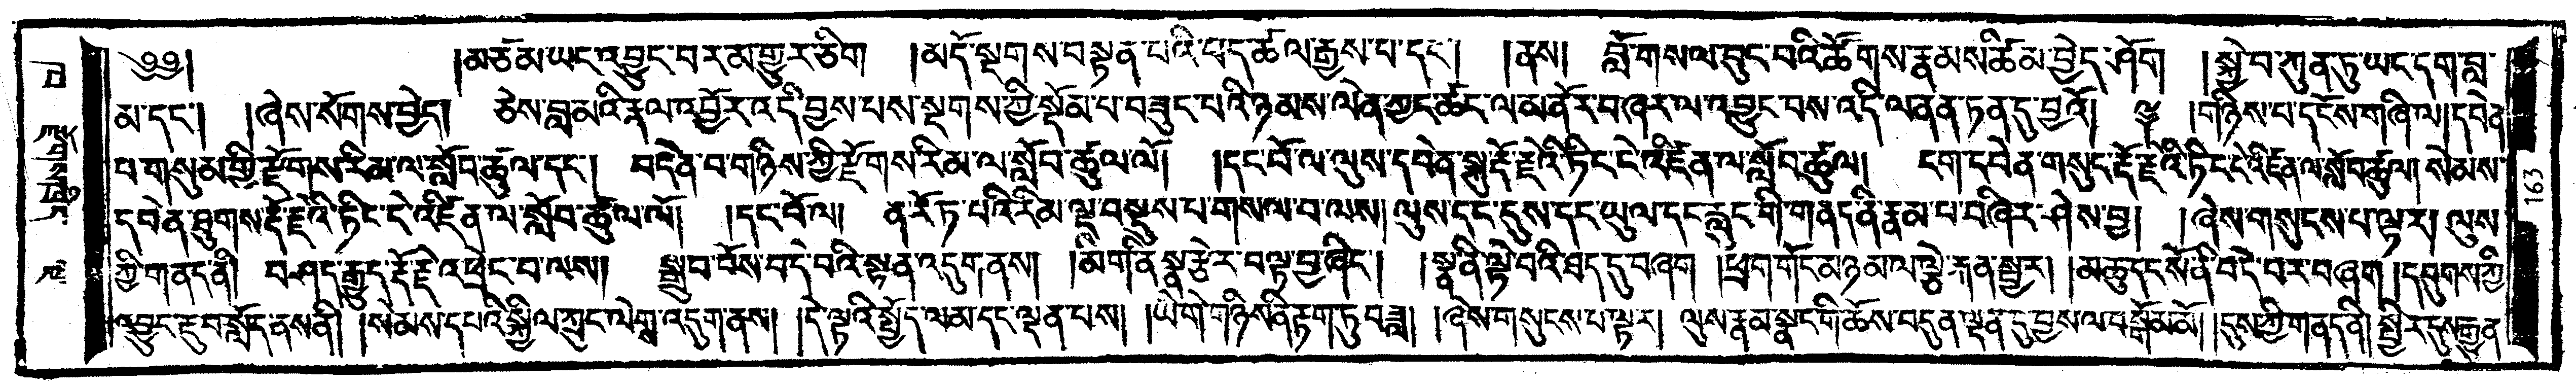༄༅། །མ་ཙམ་ཡང་འབྱུང་བར་མ་གྱུར་ཅིག །མདོ་སྔགས་བསྟན་པའི་པད་ཚལ་རྒྱས་པ་དང་། །ནས། བློ་གསལ་བུང་བའི་ཚོགས་རྣམས་ཚིམ་བྱེད་ཤོག །སྐྱེ་བ་ཀུན་ཏུ་ཡང་དག་བླ་
མ་དང་། །ཞེས་སོགས་བྱེད། ཅེས་བླ་མའི་རྣལ་འབྱོར་འདི་བྱས་པས་སྔགས་ཀྱི་སྡོམ་པ་བཟུང་པའི་ཉམས་ལེན་ཀྱང་ཚང་ལ་མ་ནོར་བཞར་ལ་འབྱུང་བས་འདི་ལ་ནན་ཏན་དུ་བྱའོ། ༈ །གཉིས་པ་དངོས་གཞི་ལ། དབེན་
བ་གསུམ་གྱི་རྫོགས་རིམ་ལ་སློབ་ཚུལ་དང་། བདེན་བ་གཉིས་ཀྱི་རྫོགས་རིམ་ལ་སློབ་ཚུལ་ལོ། །དང་པོ་ལ་ལུས་དབེན་སྐུ་རྡོ་རྗེའི་ཏིང་ངེ་འཛིན་ལ་སློབ་ཚུལ། ངག་དབེན་གསུང་རྡོ་རྗེའི་ཏིང་ངེ་འཛིན་ལ་སློབ་ཚུལ། སེམས་
དབེན་ཐུགས་རྡོ་རྗེའི་ཏིང་ངེ་འཛིན་ལ་སློབ་ཚུལ་ལོ། །དང་པོ་ལ། ན་རོ་ཏ་པའི་རིམ་ལྔ་བསྡུས་པ་གསལ་བ་ལས། ལུས་དང་དུས་དང་ཡུལ་དང་རླུང་གི་གནད་ནི་རྣམ་པ་བཞིར་ཤེས་བྱ། །ཞེས་གསུངས་པ་ལྟར། ལུས་
ཀྱི་གནད་ནི། བཤད་རྒྱུད་རྡོ་རྗེ་འཕྲེང་བ་ལས། སྒྲུབ་བོས་བདེ་བའི་སྟན་འདུག་ནས། །མིག་ནི་སྣ་རྩེར་བལྟ་བྱ་ཞིང་། །སྣ་ནི་ལྟེ་བའི་ཐད་དུ་བཞག །ཕྲག་གོང་མཉམ་ལ་ལྕེ་རྐན་སྦྱར། །མཆུ་དང་སོ་ནི་བདེ་བར་བཞག །དབུགས་ཀྱི་
འབྱུང་རྡུབ་སློད་ནས་ནི། །སེམས་དཔའི་སྐྱིལ་ཀྲུང་ལེགས་འདུག་ནས། །དེ་ལྟའི་སྤྱོད་ལམ་དང་ལྡན་པས། །ཡི་གེ་གཉིས་ནི་རྟག་ཏུ་བཟླ། །ཞེས་གསུངས་པ་ལྟར། ལུས་རྣམ་སྣང་གི་ཆོས་བདུན་ལྡན་དུ་བྱས་ལ་བསྒོམ་མོ། །དུས་ཀྱི་གནད་ནི། །སྤྱིར་དུས་རྒྱུན་